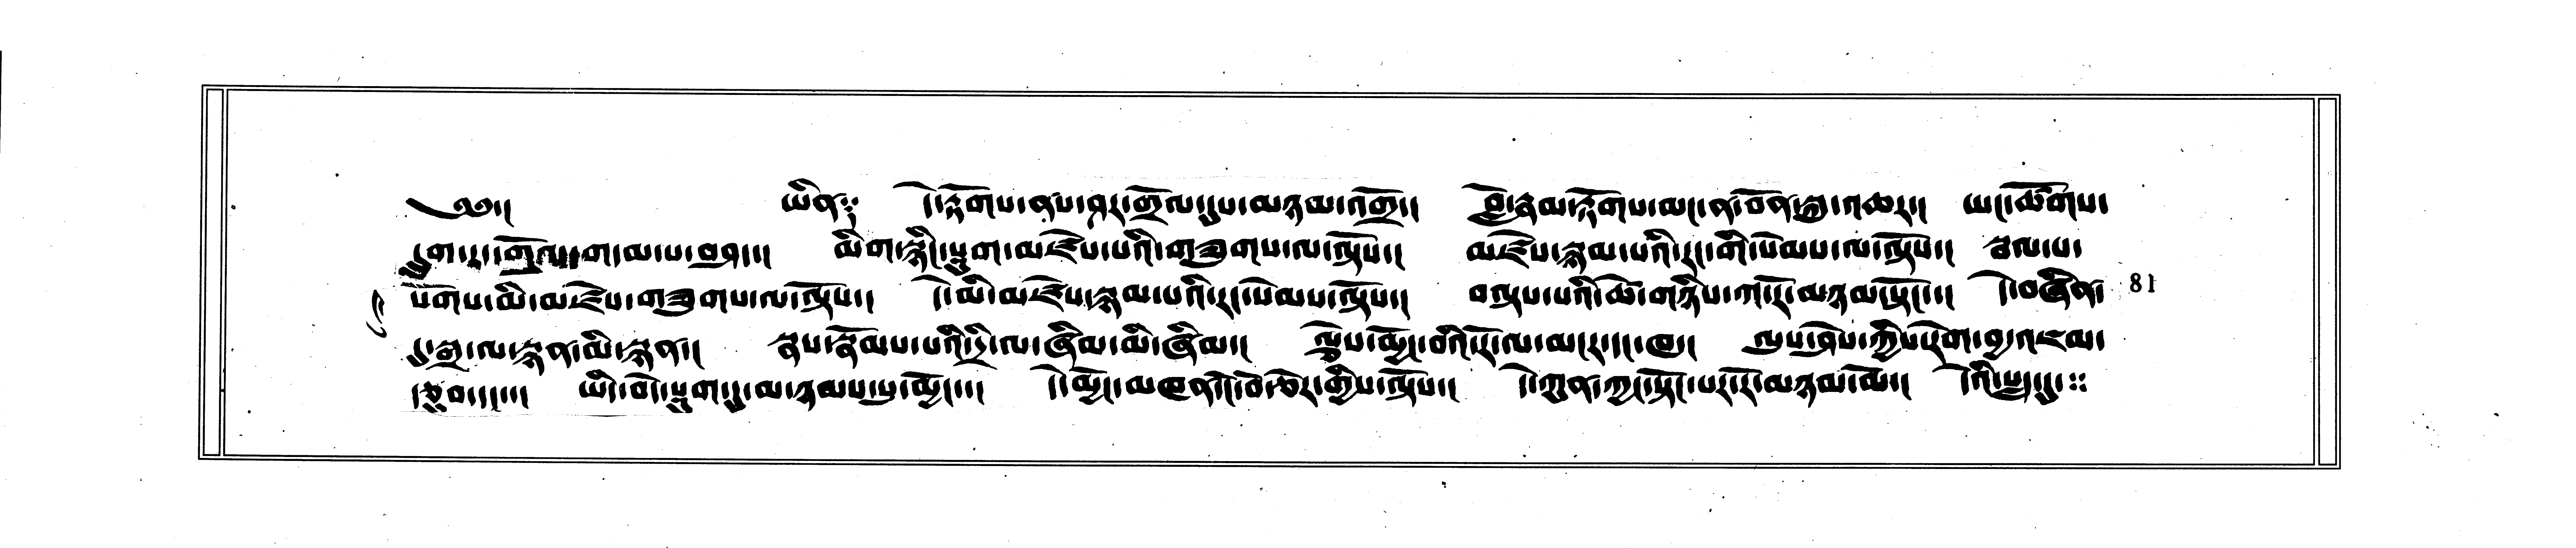ཡིན། །དེ་རྟོགས་ནས་ཤར་གྲོལ་དུས་མཉམ་འགྲོ། །བློ་རྣམ་རྟོག་མང་ན་བོན་སྐུ་འཆར། །ཡང་ཚོགས་
དྲུག་རང་གྲོལ་གདམ་པ་བཤད། །མིག་སྙིང་སྡུག་མཛེས་པའི་གཟུགས་ལ་ལྟོས། །མཛེས་སྙམ་པའི་རང་གི་སེམས་ལ་ལྟོས། །སྦལ་པ་
སོགས་མི་མཛེས་གཟུགས་ལ་ལྟོས། །དེ་མི་མཛེས་སྙམ་པའི་རང་སེམས་ལྟོས། །བལྟས་པའི་ཚེ་གཉིས་ཀ་རོ་མཉམ་སྟོང་། །དེ་བཞིན་
དུ་སྒྲ་ལ་སྙན་མི་སྙན། །སྣས་སྣོམ་པའི་དྲི་ལ་ཞིམ་མི་ཞིམ། །ལྕེས་མྱོང་བའི་རོ་ལ་མངར་དང་ཁ། །ལུས་ཤེས་ཀྱི་རེག་བྱ་འཇམ་
རྩུབ་དང་། །ཡིད་བདེ་སྡུག་དུ་མ་ཉམས་སུ་མྱོང་། །དེ་མྱོང་མཁན་ངོ་བོ་ཅེར་གྱིས་ལྟོས། །དེ་ཀུན་ཀྱང་སྟོང་པར་རོ་མཉམ་མོ། །དེའི་སླད་དུ་